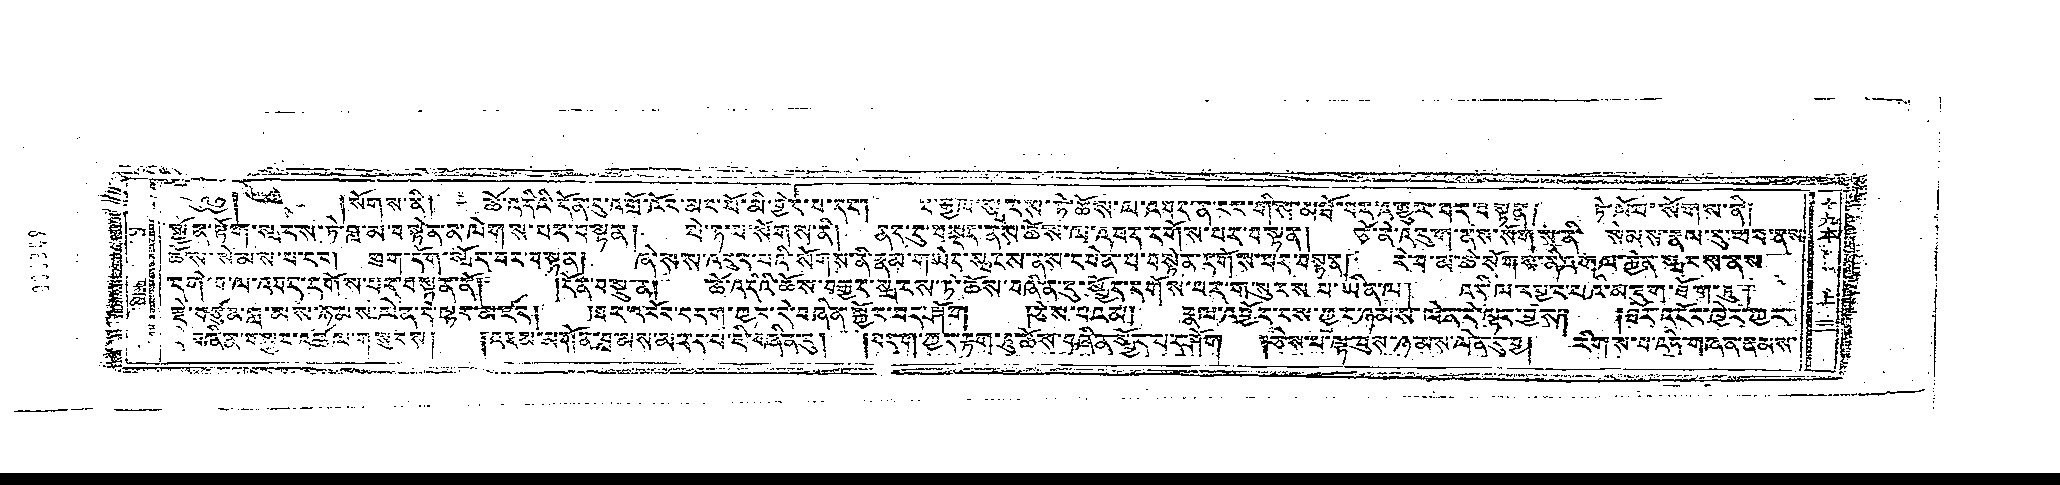༄༅། །སོགས་ནི། ཚེ་འདིའི་དོན་དུ་འགྲོ་འོད་མང་པོ་མི་བྱེད་བ་དང་། ང་རྒྱལ་སྤངས་ཏེ་ཆོས་ལ་འབད་ན་རང་གིས་མཐོ་བར་འགྱུར་བར་བསྟན། ཏེ་ལོ་པ་སོགས་ནི།
སྐྱོན་རྟོག་སྤངས་ཏེ་བླ་མ་བསྟེན་ན་ལེགས་པར་བསྟན། པེ་ཏ་པ་སོགས་ནི། ནང་དུ་བསྡད་ནས་ཆོས་ལ་འབད་དགོས་པར་བསྟན། ཅོ་ནེ་འདུག་ནས་སོགས་ནི་སེམས་རྣལ་དུ་ཕབ་
ཆོས་སེམས་པ་དང་། ཕྲག་དོག་སྤོང་བར་བསྟན། ཞེས་ས་འདུད་པའི་སོགས་ནི་རྣམ་གཡེད་སྤངས་ནས་དབེན་པ་བསྟེན་དགོས་བར་བསྟན། རེ་བ་མཆེ་སོགས་ནི་འགལ་རྐྱེན་སྤངས་ནས་
དེ་བ་ལ་འབད་དགོས་པར་བསྟན་ནོ། །དོན་བསྡུ་ན། ཚེ་འདིའི་ཆོས་བརྒྱད་སྤངས་ཏེ་ཆོས་བཞིན་དུ་སྤྱོད་དགོས་པར་གསུངས་པ་ཡིན་ལ། འདི་ལ་དབྱང་བའི་མཐུག་ཐོག་ཏུ།
རྗེ་བཙུན་བླ་མ་ཉམས་ལེན་དེ་ལྟར་མཛད། །ཐར་འདོད་བདག་ཀྱང་དེ་བཞིན་སྐྱོང་བར་ཤོག །ཅེས་པའམ། རྣལ་འབྱོར་ངས་ཀྱང་ཉམས་ལེན་དེ་ལྟར་བྱས། །ཐར་འདོད་ཁྱེད་ཀྱང་།
དེ་བཞིན་བསྐྱང་འཚལ་གསུངས། །འཇམ་མགོན་བླ་མས་མ་རང་པ་ཇི་བཞིན་དུ། །བདག་ཀྱང་རྟག་ཏུ་ཆོས་བཞིན་སྤྱོད་བར་ཤོག །ཅེས་པ་ལྟ་བུས་ཉམས་ལེན་དུ་བྱ། རིགས་པ་འདི་གཞན་རྣམས་